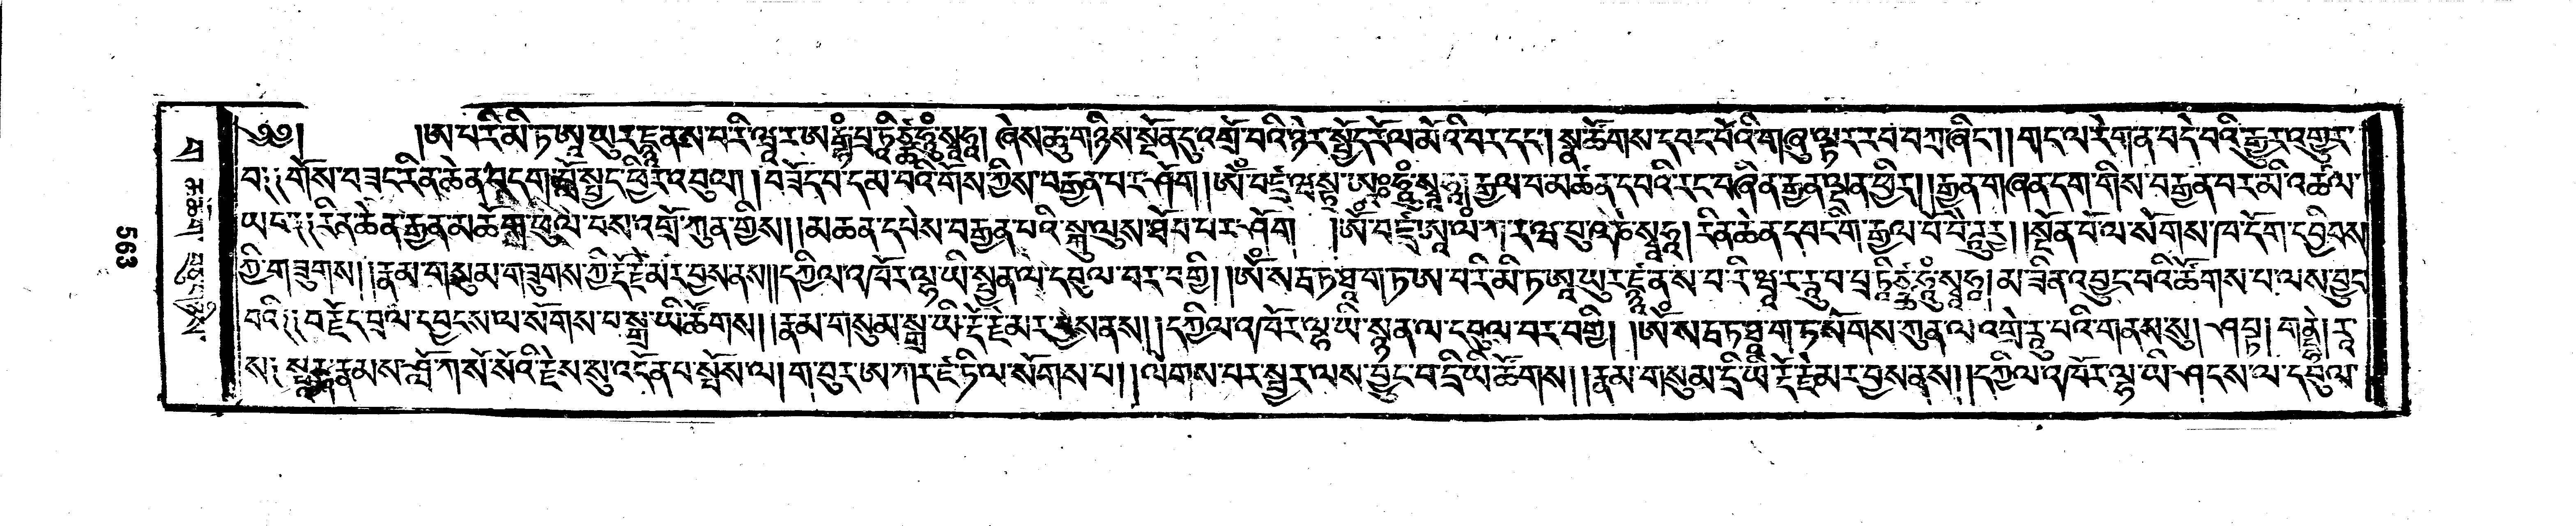༄༅། །ཨ་པ་རི་མི་ཏ་ཨཱ་ཡུར་ཛྙཱ་ན་ས་པ་རི་ཝཱ་ར་ཨརྒྷཾ་པྲ་ཏཱི་ཙྪ་ཧཱུཾ་སྭཱཧཱ། ཞེས་ཆུ་གཉིས་སྔོན་དུ་འགྲོ་བའི་ཉེར་སྤྱོད་རོལ་མོའི་བར་དང་། སྣ་ཚོགས་དབང་པོའི་གཞུ་ལྟར་རབ་བཀྲ་ཞིང་། །གང་ལ་རེག་ན་བདེ་བའི་རྒྱུར་འགྱུར་
བ༑ ༑གོས་བཟང་རིན་ཆེན་བདག་བློ་སྤྱད་ཕྱིར་འབུལ། །བཟོད་པ་དམ་པའི་གོས་ཀྱིས་བརྒྱན་པར་ཤོག །ཨོཾ་བཛྲ་ཝ་སྟྲ་ཨཱཿ ཧཱུཾ་སྭཱཧཱ། རྒྱལ་བ་མཚན་དཔེའི་རང་བཞིན་རྒྱན་ལྡན་ཕྱིར། །རྒྱན་གཞན་དག་གིས་བརྒྱན་པར་མི་འཚལ་
ཡང༑ ༑རིན་ཆེན་རྒྱན་མཆོག་ཕུལ་བས་འགྲོ་ཀུན་གྱིས། །མཚན་དཔེས་བརྒྱན་པའི་སྐུ་ལུས་ཐོབ་པར་ཤོག །ཨོཾ་བཛྲ་ཨཱ་ལཾ་ཀ་ར་ཝ་པུ་ཥ་ཎེ་སྭཱཧཱ། རིན་ཆེན་དབང་གི་རྒྱལ་པོ་བཻ་ཌཱུ་རྱ། །སྔོན་པོ་ལ་སོགས་ཁ་དོག་དབྱིབས་
ཀྱི་གཟུགས། །རྣམ་གསུམ་གཟུགས་ཀྱི་རྡོ་རྗེ་མར་བྱས་ནས། །དཀྱིལ་འཁོར་ལྷ་ཡི་སྤྱན་ལ་དབུལ་བར་བགྱི། །ཨོཾ་སརྦ་ཏ་ཐཱ་ག་ཏ་ཨ་པ་རི་མི་ཏ་ཨཱ་ཡུར་ཛྙཱ་ན་ས་པ་རི་ཝཱ་ར་རཱུ་པ་པྲ་ཏཱིཙྪ་ཧཱུཾ་སྭཱཧཱ། མ་ཟིན་འབྱུང་བའི་ཚོགས་པ་ལས་བྱུང་
བའི། །བརྗོད་བྲལ་དབྱངས་ལ་སོགས་པ་སྒྲ་ཡི་ཚོགས། །རྣམ་གསུམ་སྒྲ་ཡི་རྡོ་རྗེ་མར་བྱས་ནས། །དཀྱིལ་འཁོར་ལྷ་ཡི་སྙན་ལ་དབུལ་བར་བགྱི། །ཨོཾ་སརྦ་ཏ་ཐཱ་ག་ཏ་སོགས་ཀུན་ལ་འགྲེ་རཱུ་པའི་གནས་སུ། ཤཔྟ། གནྡྷེ། རཱ་
ས༑ སྤཱརྴ་རྣམས་ཤློ་ཀ་སོ་སོའི་རྗེས་སུ་འདོན་པ་སྤོས་ལ། ག་བུར་ཨ་ཀར་ཛ་ཏི་ལ་སོགས་པ། །ལེགས་པར་སྦྱར་ལས་བྱུང་བ་དྲི་ཡི་ཚོགས། །རྣམ་གསུམ་དྲི་ཡི་རྡོ་རྗེ་མར་བྱས་ནས། །དཀྱིལ་འཁོར་ལྷ་ཡི་ཤངས་ལ་དབུལ་